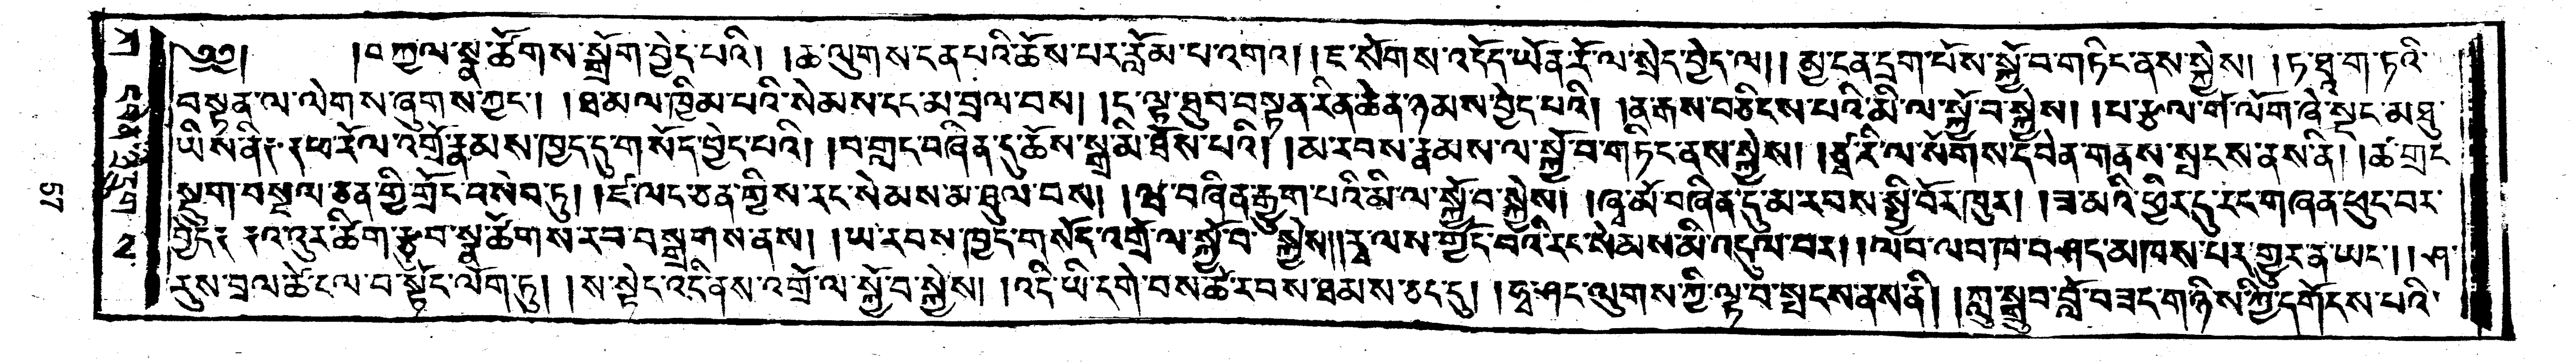༄༅། །བཀྱལ་སྣ་ཚོགས་སྒྲོག་བྱེད་པའི། །ཆ་ལུགས་ངན་པའི་ཆོས་པར་རློམ་པ་འགའ། །ཇ་སོགས་འདོད་ཡོན་རོ་ལ་སྲེད་བྱེད་ལ། །མྱ་ངན་དྲག་པོས་སྐྱོ་བ་གཏིང་ནས་སྐྱེས། །ཏ་ཐཱ་ག་ཏའི་
བསྟན་ལ་ལེགས་ཞུགས་ཀྱང་། །ཐ་མལ་ཁྱིམ་པའི་སེམས་དང་མ་བྲལ་བས། །ད་ལྟ་ཐུབ་བསྟན་རིན་ཆེན་ཉམས་བྱེད་པའི། །ན་རྒས་བཅིངས་པའི་མི་ལ་སྐྱོ་བ་སྐྱེས། །པ་རྩ་ལ་གོ་ལོག་ཞེ་སྡང་མཐུ་
ཡིས་ནི༑ ༑ཕ་རོལ་འགྲོ་རྣམས་ཁྱད་དུ་གསོད་བྱེད་པའི། །བ་གླང་བཞིན་དུ་ཆོས་སྒྲ་མི་ཐོས་པའི། །མ་རབས་རྣམས་ལ་སྐྱོ་བ་གཏིང་ནས་སྐྱེས། །ཙྭ་རི་ལ་སོགས་དབེན་གནས་སྤངས་ནས་ནི། །ཚ་གྲང་
སྡུག་བསྔལ་ཅན་གྱི་གྲོང་བསེབ་ཏུ། །ཛ་ལང་ཅན་གྱིས་རང་སེམས་མ་ཐུལ་བས། །ཝ་བཞིན་རྒྱུག་པའི་མི་ལ་སྐྱོ་བ་སྐྱེས། །ཞྭ་མོ་བཞིན་དུ་མ་རབས་སྤྱི་བོར་ཁུར། །ཟ་མའི་ཕྱིར་དུ་རང་གཞན་ཕུང་བར་
བྱེད༑ ༑འ་འུར་ཚིག་རྩུབ་སྣ་ཚོགས་རབ་བསྒྲགས་ནས། །ཡ་རབས་ཁྱད་གསོད་འགྲོ་ལ་སྐྱོ་བ་སྐྱེས། །རྭ་ལས་གྱོད་བའི་རང་སེམས་མི་འདུལ་བར། །ལབ་ལབ་ཁ་བཤད་མཁས་པར་གྱུར་ན་ཡང་། །ཤ་
རུས་བྲལ་ཚེ་ངལ་བ་སྟོང་ལོག་ཏུ། །ས་སྟེང་འདི་ནས་འགྲོ་ལ་སྐྱོ་བ་སྐྱེས། །འདི་ཡི་དགེ་བས་ཚེ་རབས་ཐམས་ཅད་དུ། །ཧྭ་ཤང་ལུགས་ཀྱི་ལྟ་བ་སྤངས་ནས་ནི། །ཀླུ་སྒྲུབ་བློ་བཟང་གཉིས་ཀྱི་དགོངས་པའི་